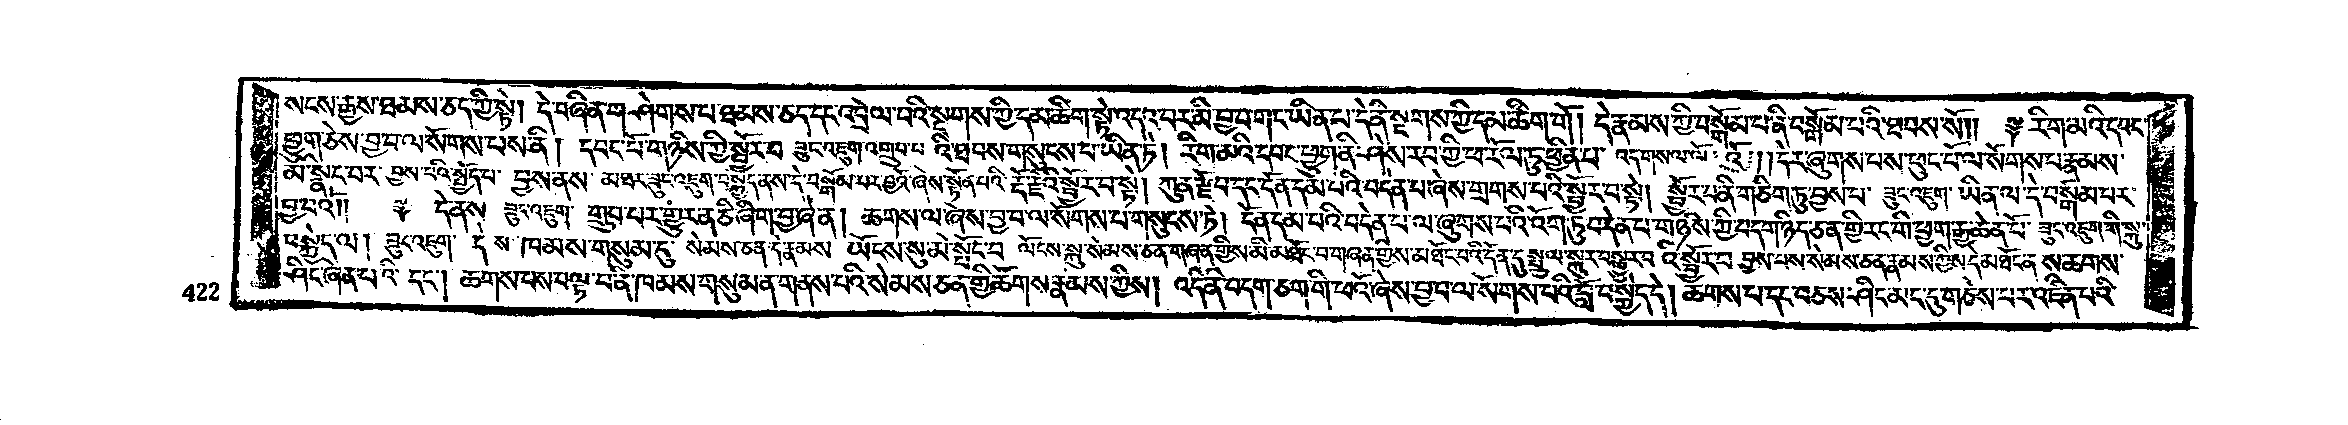སངས་རྒྱས་ཐམས་ཅད་ཀྱི་སྟེ། དེ་བཞིན་གཤེགས་པ་ཐམས་ཅད་དང་འབྲེལ་བའི་སྔགས་ཀྱི་དམ་ཚིག་སྟེ་འདའ་བར་མི་བྱ་བ་གང་ཡིན་པ་དེ་ནི་སྔགས་ཀྱི་དམ་ཚིག་གོ །དེ་རྣམས་ཀྱི་བསྒོམ་པ་ནི་བསྒོམ་པའི་ཐབས་སོ།། ༈ རིག་མའི་དབང་
ཕྱག་ཅེས་བྱ་བ་ལ་སོགས་པས་ནི། དབང་པོ་གཉིས་ཀྱི་སྦྱོར་བ་ཟུང་འཇུག་འགྲུབ་པའི་ཐབས་གསུངས་པ་ཡིན་ཏེ། རིག་མའི་དབང་ཕྱུག་ནི་ཤེས་རབ་ཀྱི་ཕ་རོལ་ཏུ་ཕྱིན་པ་འོད་གསལ་འོ་འོ། །དེར་ཞུགས་པས་ཕུང་པོ་ལ་སོགས་པ་རྣམས་
མ་སྣང་བར་བྱས་པའི་སྤྱོད་པ་བྱས་ནས་མཐར་ཟུང་འཇུག་བསྐྱེད་ནས་དེ་བསྒོམ་པར་བྱའོ་ཞེས་སྟོན་པའི་རྡོ་རྗེ་སྦྱོར་བ་སྟེ། ཀུན་རྫོབ་དང་དོན་དམ་པའི་བདེན་པ་ཞེས་གྲགས་པའི་སྦྱོར་བ་སྟེ། སྦྱོར་བ་ནི་གཅིག་ཏུ་བྱས་པ་ཟུང་འཇུག་ཡིན་ལ་དེ་བསྒོམ་པར་
བྱ་བའོ།། ༈ དེ་ནས་ཟུང་འཇུག་གྲུབ་པར་གྱུར་ན་ཅི་ཞིག་བྱ་ཞེ་ན། ཆགས་ལ་ཞེས་བྱ་བ་ལ་སོགས་པ་གསུངས་ཏེ། དོན་དམ་པའི་བདེན་པ་ལ་ཞུགས་པའི་འོག་ཏུ་བདེན་པ་གཉིས་ཀྱི་བདག་ཉིད་ཅན་གྱི་རང་གི་ཕྱག་རྒྱ་ཆེན་པོ་ཟུང་འཇིག་གི་སྐུ
བསྐྱེད་ལ། ཟུང་འཇུག་དེས་ཁམས་གསུམ་དུ་སེམས་ཅན་དེ་རྣམས་ཡོངས་སུ་མི་སྤོང་བ་ལོངས་སྐུ་སེམས་ཅན་གཞན་གྱིས་མི་མཐོང་བ་གཞན་གྱིས་མཐོང་བའི་དོན་དུ་སྤྲུལ་སྐུར་བསྒྱུར་བའི་སྦྱོར་བ་བྱས་པས་སེམས་ཅན་རྣམས་ཀྱིས་དེ་མཐོང་ནས་ཆགས་
ཤིང་ཞེན་པའི་དང་། ཆགས་པས་བལྟ་བ་ནི་ཁམས་གསུམ་ན་གནས་པའི་སེམས་ཅན་གྱི་ཚོགས་རྣམས་ཀྱིས། འདི་ནི་བདག་ཅག་གི་ཕའོ་ཞེས་བྱ་བ་ལ་སོགས་པའི་བློ་བསྐྱེད་དེ། ཆགས་པ་དང་བཅས་ཤིང་མང་དུ་གཅེས་པར་འཛིན་པའི་